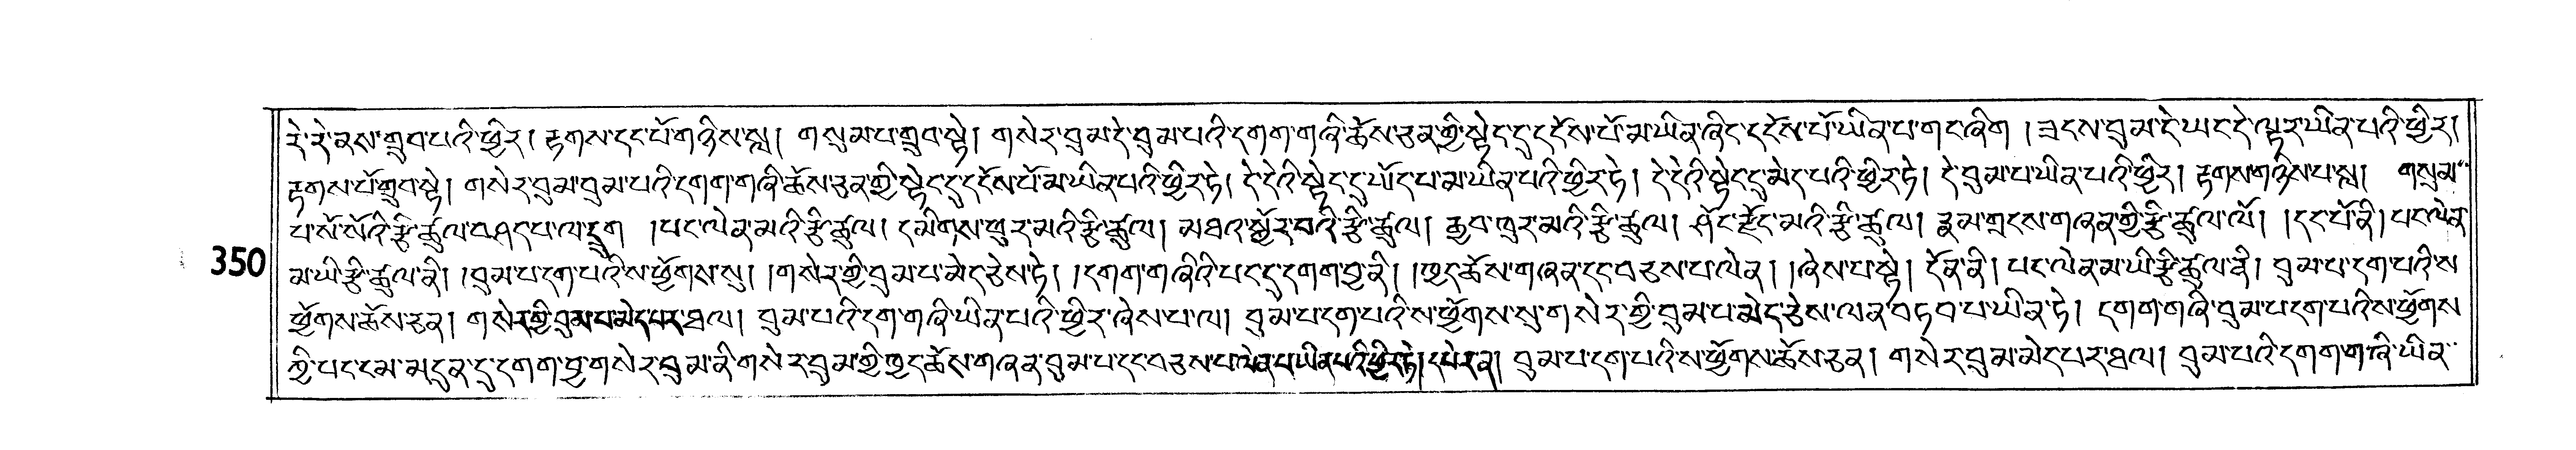རེ་རེ་ནས་གྲུབ་པའི་ཕྱིར། རྟགས་དང་པོ་གཉིས་སླ། གསུམ་པ་གྲུབ་སྟེ། གསེར་བུམ་དེ་བུམ་པའི་དགག་གཞི་ཆོས་ཅན་གྱི་སྟེང་དུ་དངོས་པོ་མ་ཡིན་ཞིང་དངོས་པོ་ཡིན་པ་གང་ཞིག །ཟངས་བུམ་དེ་ཡང་དེ་ལྟར་ཡིན་པའི་ཕྱིར།
རྟགས་པོ་གྲུབ་སྟེ། གསེར་བུམ་བུམ་པའི་དགག་གཞི་ཆོས་ཅན་གྱི་སྟེང་དུ་དངོས་པོ་མ་ཡིན་པའི་ཕྱིར་ཏེ། དེ་དེའི་སྟེང་དུ་ཡོད་པ་མ་ཡིན་པའི་ཕྱིར་ཏེ། དེ་དེའི་སྟེང་དུ་མེད་པའི་ཕྱིར་ཏེ། དེ་བུམ་པ་ཡིན་པའི་ཕྱིར། རྟགས་གཉིས་པ་སླ། གསུམ་
པ་སོ་སོའི་རྩི་ཚུལ་བཤད་པ་ལ་དྲུག །པང་ལེན་མའི་རྩི་ཚུལ། དམིགས་ཕུར་མའི་རྩི་ཚུལ། མཐའ་སྐྱོར་བའི་རྩི་ཚུལ། རྒྱབ་ཁུར་མའི་རྩི་ཚུལ། ཤོང་རྫོང་མའི་རྩི་ཚུལ། རྣམ་གྲངས་གཞན་གྱི་རྩི་ཚུལ་ལོ། །དང་པོ་ནི། པང་ལེན་
མ་ཡི་རྩི་ཚུལ་ནི། །བུམ་པ་དག་པའི་ས་ཕྱོགས་སུ། །གསེར་གྱི་བུམ་པ་མེད་ཅེས་ཏེ། །དགག་གཞིའི་པང་དུ་དགག་བྱ་ནི། །ཁྱད་ཆོས་གཞན་དང་བཅས་པ་ལེན། །ཞེས་པ་སྟེ། དོན་ནི། པང་ལེན་མ་ཡི་རྩི་ཚུལ་ནི། བུམ་པ་དག་པའི་ས་
ཕྱོགས་ཆོས་ཅན། གསེར་གྱི་བུམ་པ་མེད་པར་ཐལ། བུམ་པའི་དག་གཞི་ཡིན་པའི་ཕྱིར་ཞེས་པ་ལ། བུམ་པ་དག་པའི་ས་ཕྱོགས་སུ་གསེར་གྱི་བུམ་པ་མེད་ཅེས་ལན་བཏབ་པ་ཡིན་ཏེ། དགག་གཞི་བུམ་པ་དག་པའི་ས་ཕྱོགས་
ཀྱི་པང་ངམ་མདུན་དུ་དགག་བྱ་གསེར་བུམ་ནི་གསེར་བུམ་གྱི་ཁྱད་ཆོས་གཞན་བུམ་པ་དང་བཅས་པ་ལེན་པ་ཡིན་པའི་ཕྱིར་ཏེ། དཔེར་ན། བུམ་པ་དག་པའི་ས་ཕྱོགས་ཆོས་ཅན། གསེར་བུམ་མེད་པར་ཐལ། བུམ་པའི་དགག་གཞི་ཡིན་